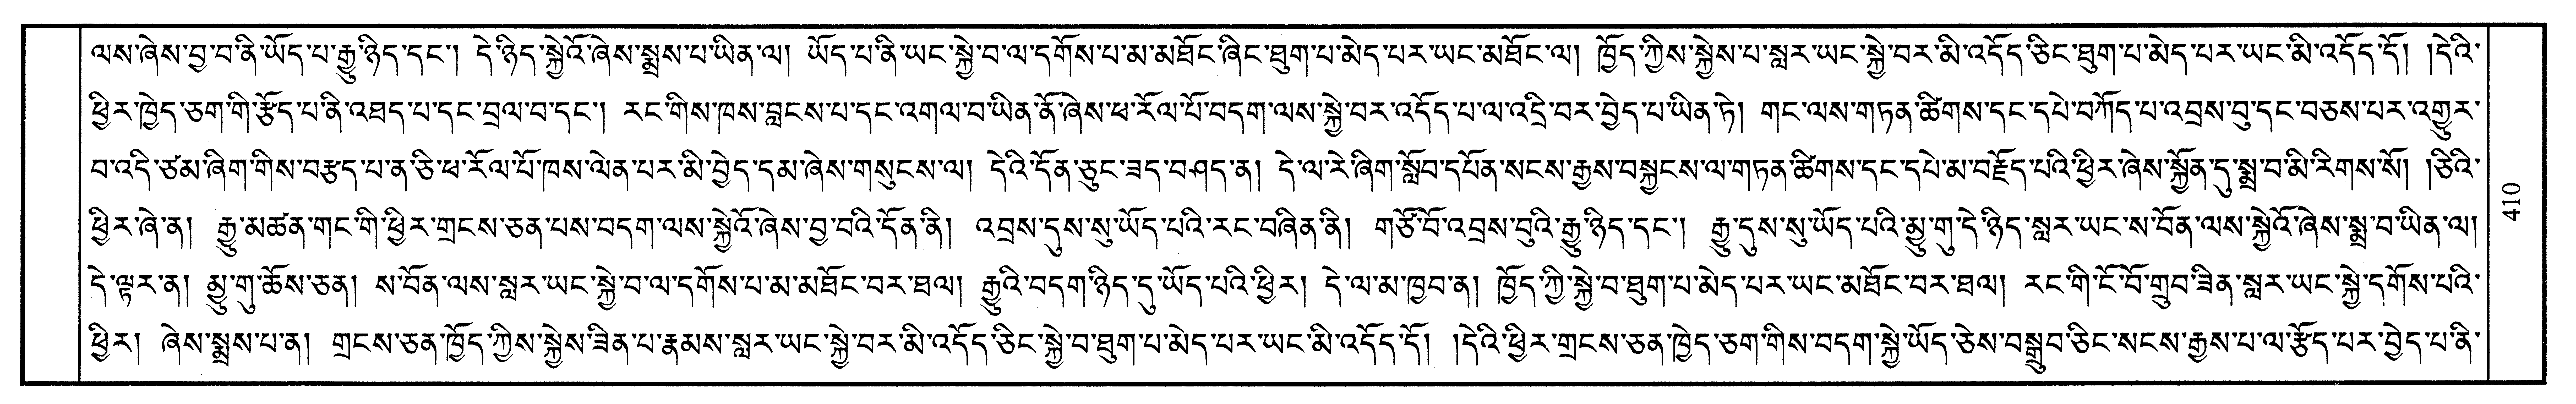ལས་ཞེས་བྱ་བ་ནི་ཡོད་པ་རྒྱུ་ཉིད་དང་། དེ་ཉིད་སྐྱེའོ་ཞེས་སྨྲས་པ་ཡིན་ལ། ཡོད་པ་ནི་ཡང་སྐྱེ་བ་ལ་དགོས་པ་མ་མཐོང་ཞིང་ཐུག་པ་མེད་པར་ཡང་མཐོང་ལ། ཁྱོད་ཀྱིས་སྐྱེས་པ་སླར་ཡང་སྐྱེ་བར་མི་འདོད་ཅིང་ཐུག་པ་མེད་པར་ཡང་མི་འདོད་དོ། །དེའི་
ཕྱིར་ཁྱེད་ཅག་གི་རྩོད་པ་ནི་འཐད་པ་དང་བྲལ་བ་དང་། རང་གིས་ཁས་བླངས་པ་དང་འགལ་བ་ཡིན་ནོ་ཞེས་ཕ་རོལ་པོ་བདག་ལས་སྐྱེ་བར་འདོད་པ་ལ་འདྲི་བར་བྱེད་པ་ཡིན་ཏེ། གང་ལས་གཏན་ཚིགས་དང་དཔེ་བཀོད་པ་འབྲས་བུ་དང་བཅས་པར་འགྱུར་
བ་འདི་ཙམ་ཞིག་གིས་བརྩད་པ་ན་ཅི་ཕ་རོལ་པོ་ཁས་ལེན་པར་མི་བྱེད་དམ་ཞེས་གསུངས་ལ། དེའི་དོན་ཅུང་ཟད་བཤད་ན། དེ་ལ་རེ་ཞིག་སློབ་དཔོན་སངས་རྒྱས་བསྐྱངས་ལ་གཏན་ཚིགས་དང་དཔེ་མ་བརྗོད་པའི་ཕྱིར་ཞེས་སྐྱོན་དུ་སྨྲ་བ་མི་རིགས་སོ། །ཅིའི་
ཕྱིར་ཞེ་ན། རྒྱུ་མཚན་གང་གི་ཕྱིར་གྲངས་ཅན་པས་བདག་ལས་སྐྱེའོ་ཞེས་བྱ་བའི་དོན་ནི། འབྲས་དུས་སུ་ཡོད་པའི་རང་བཞིན་ནི། གཙོ་བོ་འབྲས་བུའི་རྒྱུ་ཉིད་དང་། རྒྱུ་དུས་སུ་ཡོད་པའི་མྱུ་གུ་དེ་ཉིད་སླར་ཡང་ས་བོན་ལས་སྐྱེའོ་ཞེས་སྨྲ་བ་ཡིན་ལ།
དེ་ལྟར་ན། མྱུ་གུ་ཆོས་ཅན། ས་བོན་ལས་སླར་ཡང་སྐྱེ་བ་ལ་དགོས་པ་མ་མཐོང་བར་ཐལ། རྒྱུའི་བདག་ཉིད་དུ་ཡོད་པའི་ཕྱིར། དེ་ལ་མ་ཁྱབ་ན། ཁྱོད་ཀྱི་སྐྱེ་བ་ཐུག་པ་མེད་པར་ཡང་མཐོང་བར་ཐལ། རང་གི་ངོ་བོ་གྲུབ་ཟིན་སླར་ཡང་སྐྱེ་དགོས་པའི་
ཕྱིར། ཞེས་སྨྲས་པ་ན། གྲངས་ཅན་ཁྱོད་ཀྱིས་སྐྱེས་ཟིན་པ་རྣམས་སླར་ཡང་སྐྱེ་བར་མི་འདོད་ཅིང་སྐྱེ་བ་ཐུག་པ་མེད་པར་ཡང་མི་འདོད་དོ། །དེའི་ཕྱིར་གྲངས་ཅན་ཁྱེད་ཅག་གིས་བདག་སྐྱེ་ཡོད་ཅེས་བསྒྲུབ་ཅིང་སངས་རྒྱས་པ་ལ་རྩོད་པར་བྱེད་པ་ནི་